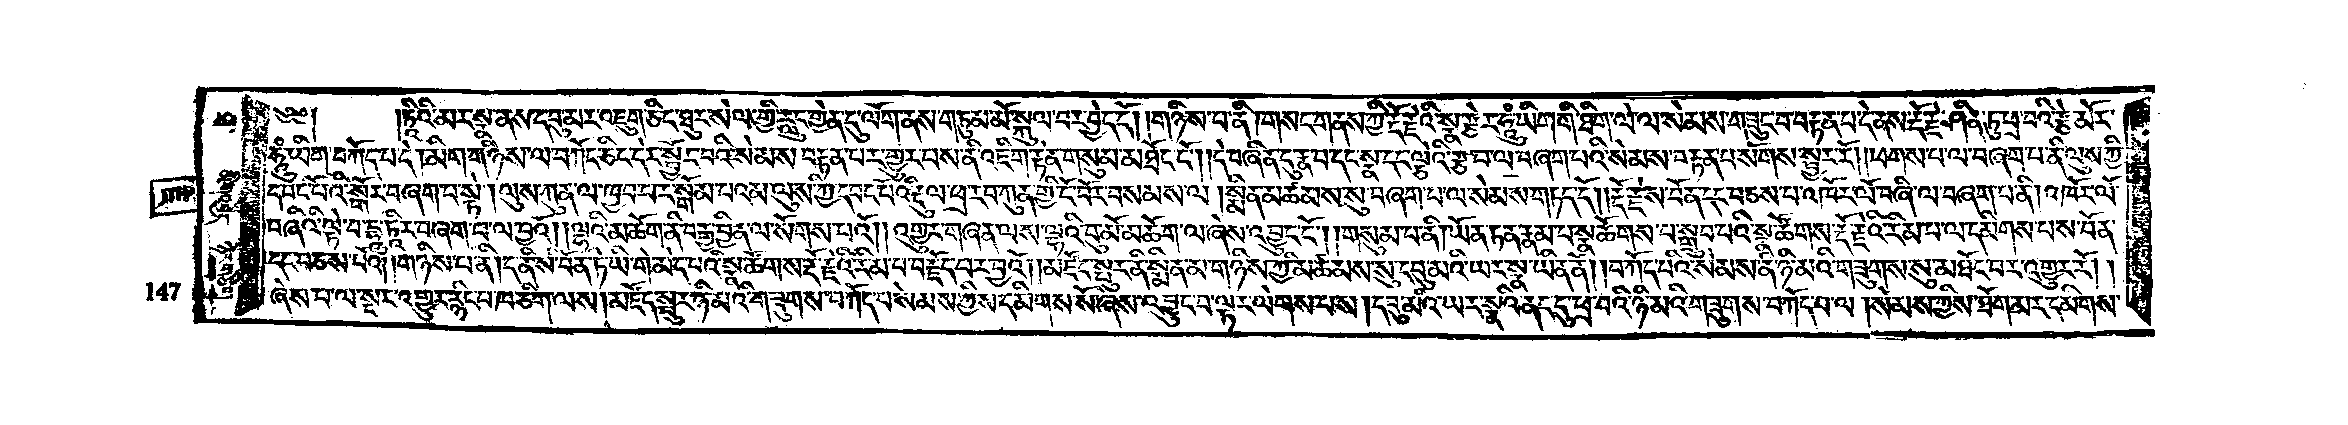༄༅། །ཏཱིའི་མར་སྣ་ནས་དབུ་མར་འཇུག་ཅིང་ཐུར་སེལ་གྱི་རླུང་གྱེན་དུ་ལོག་ནས་གཏུམ་མོ་སྐུལ་བར་བྱེད་དོ། །གཉིས་པ་ནི། གསང་གནས་ཀྱི་རྡོ་རྗེའི་སྣ་རྩེར་ཧཱུཾ་ཡིག་གི་ཐིག་ལེ་ལ་སེམས་གཟུང་བ་བརྟན་པ་དེ་ནས་རྡོ་རྗེ་ཤིན་ཏུ་ཕྲ་བའི་རྩེ་མོར་
ཧཱུཾ་ཡིག་བཀོད་པ་དེ། མིག་གཉིས་ལ་བཀོད་ཅིང་དེར་སྦྱོར་བའི་སེམས་བརྟན་པར་གྱུར་པས་ནི་འཇིག་རྟེན་གསུམ་མཐོང་ངོ། །དེ་བཞིན་དུ་རྣ་བ་དང་སྣ་དང་ལྕེའི་རྩ་བ་ལ་བཞག་པའི་སེམས་བརྟན་པ་སོགས་སྦྱར་རོ། །པགས་པ་ལ་བཞག་པ་ནི་ལུས་ཀྱི་
དབང་པོའི་སྒོར་བཞག་པ་སྟེ། ལུས་ཀུན་ལ་ཁྱབ་པར་སྒོམ་པའམ་ལུས་ཀྱི་དབང་པོའི་རྡུལ་ཕྲ་རབ་ཀུན་གྱི་ངོ་བོར་བསམས་ལ། སྨིན་མཚམས་སུ་བཞག་པ་ལ་སེམས་གཏད་དོ། །རྡོ་རྗེ་ས་བོན་དང་བཅས་པ་འཁོར་ལོ་བཞི་ལ་བཞག་པ་ནི། འཁོར་ལོ་
བཞིའི་ལྟེ་བ་དྷཱུ་ཏཱིར་བཞག་པ་ལ་བྱའོ། །ལྷའི་མཆོག་ནི་བརྒྱ་བྱིན་ལ་སོགས་པའོ། །འགྱུར་གཞན་ལས་ལྷའི་བུ་མོ་མཆོག་ལ་ཞེས་འབྱུང་ངོ། །གསུམ་པ་ནི། ཡོན་ཏན་རྣམ་པ་སྣ་ཚོགས་པ་སྒྲུབ་པའི་སྣ་ཚོགས་རྡོ་རྗེའི་རིམ་པ་ལ་དམིགས་པ་ས་བོན་
དང་བཅས་པའོ། །གཉིས་པ་ནི། ད་ནི་ས་བོན་ཏེ་ཡི་གེ་མེད་པའི་སྣ་ཚོགས་རྡོ་རྗེའི་རིམ་པ་བརྗོད་པར་བྱའོ། །མཛོད་སྤུར་ནི་སྨིན་མ་གཉིས་ཀྱི་མཚམས་སུ་དབུ་མའི་ཡར་སྣ་ཡིན་ནོ། །བཀོད་པའི་སེམས་ནི་ཉི་མའི་གཟུགས་སུ་མཐོང་བར་འགྱུར་རོ། །
ཞེས་པ་ལ་སྔར་འགྱུར་རྙིང་པ་ཁ་ཅིག་ལས། མཛོད་སྤུར་ཉི་མའི་གཟུགས་བཀོད་པ་སེམས་ཀྱིས་དམིགས་སོ་ཞེས་འབྱུང་བ་ལྟར་ལེགས་པས། དབུ་མའི་ཡར་སྣའི་ནང་དུ་ཕྲ་བའི་ཉི་མའི་གཟུགས་བཀོད་པ་ལ། སེམས་ཀྱིས་ཐོག་མར་དམིགས་